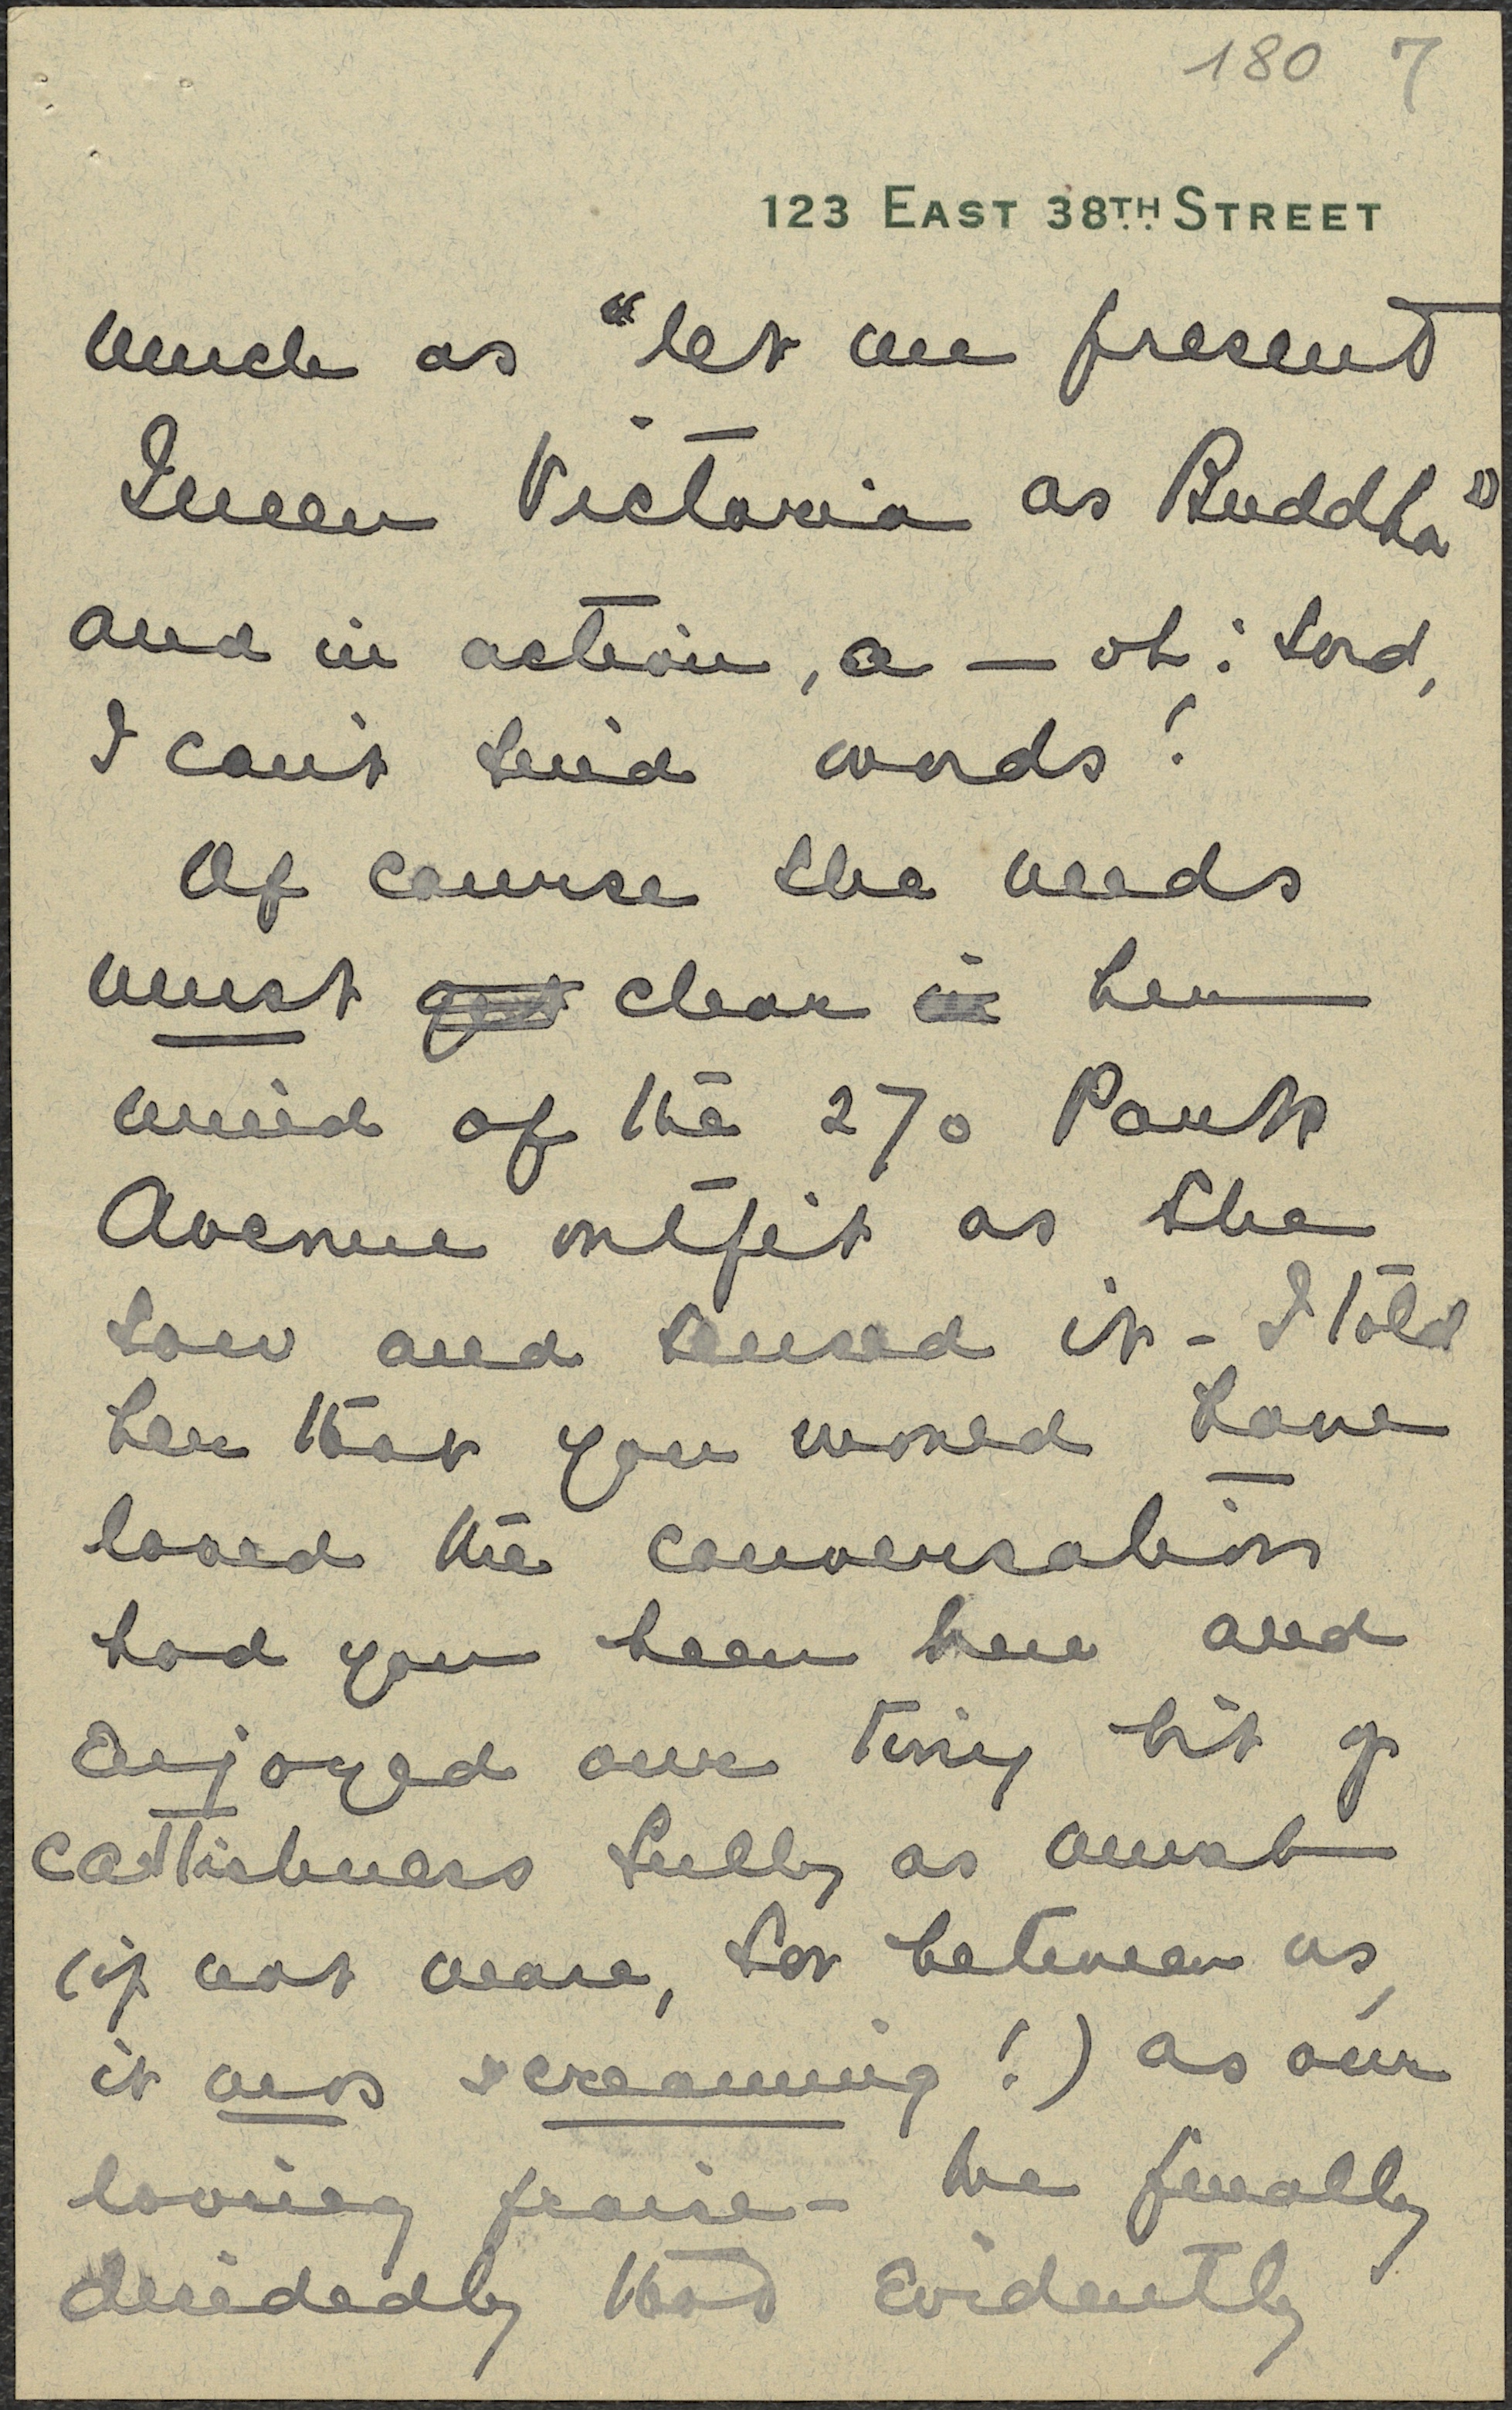7
much as "let me present Queen Victoria as Buddha" and in action, a – oh: Lord, I can't find words!
Of course she needs must get clear in her mind of the 270 Park Avenue outfit as she saw and sensed it – I told her that you would have loved the conversation had you been here and enjoyed our tiny bit of cattishness fully as much (if not more, for between us, it was screaming!) as our loving praise – we finished decidedly [sic] that evidently